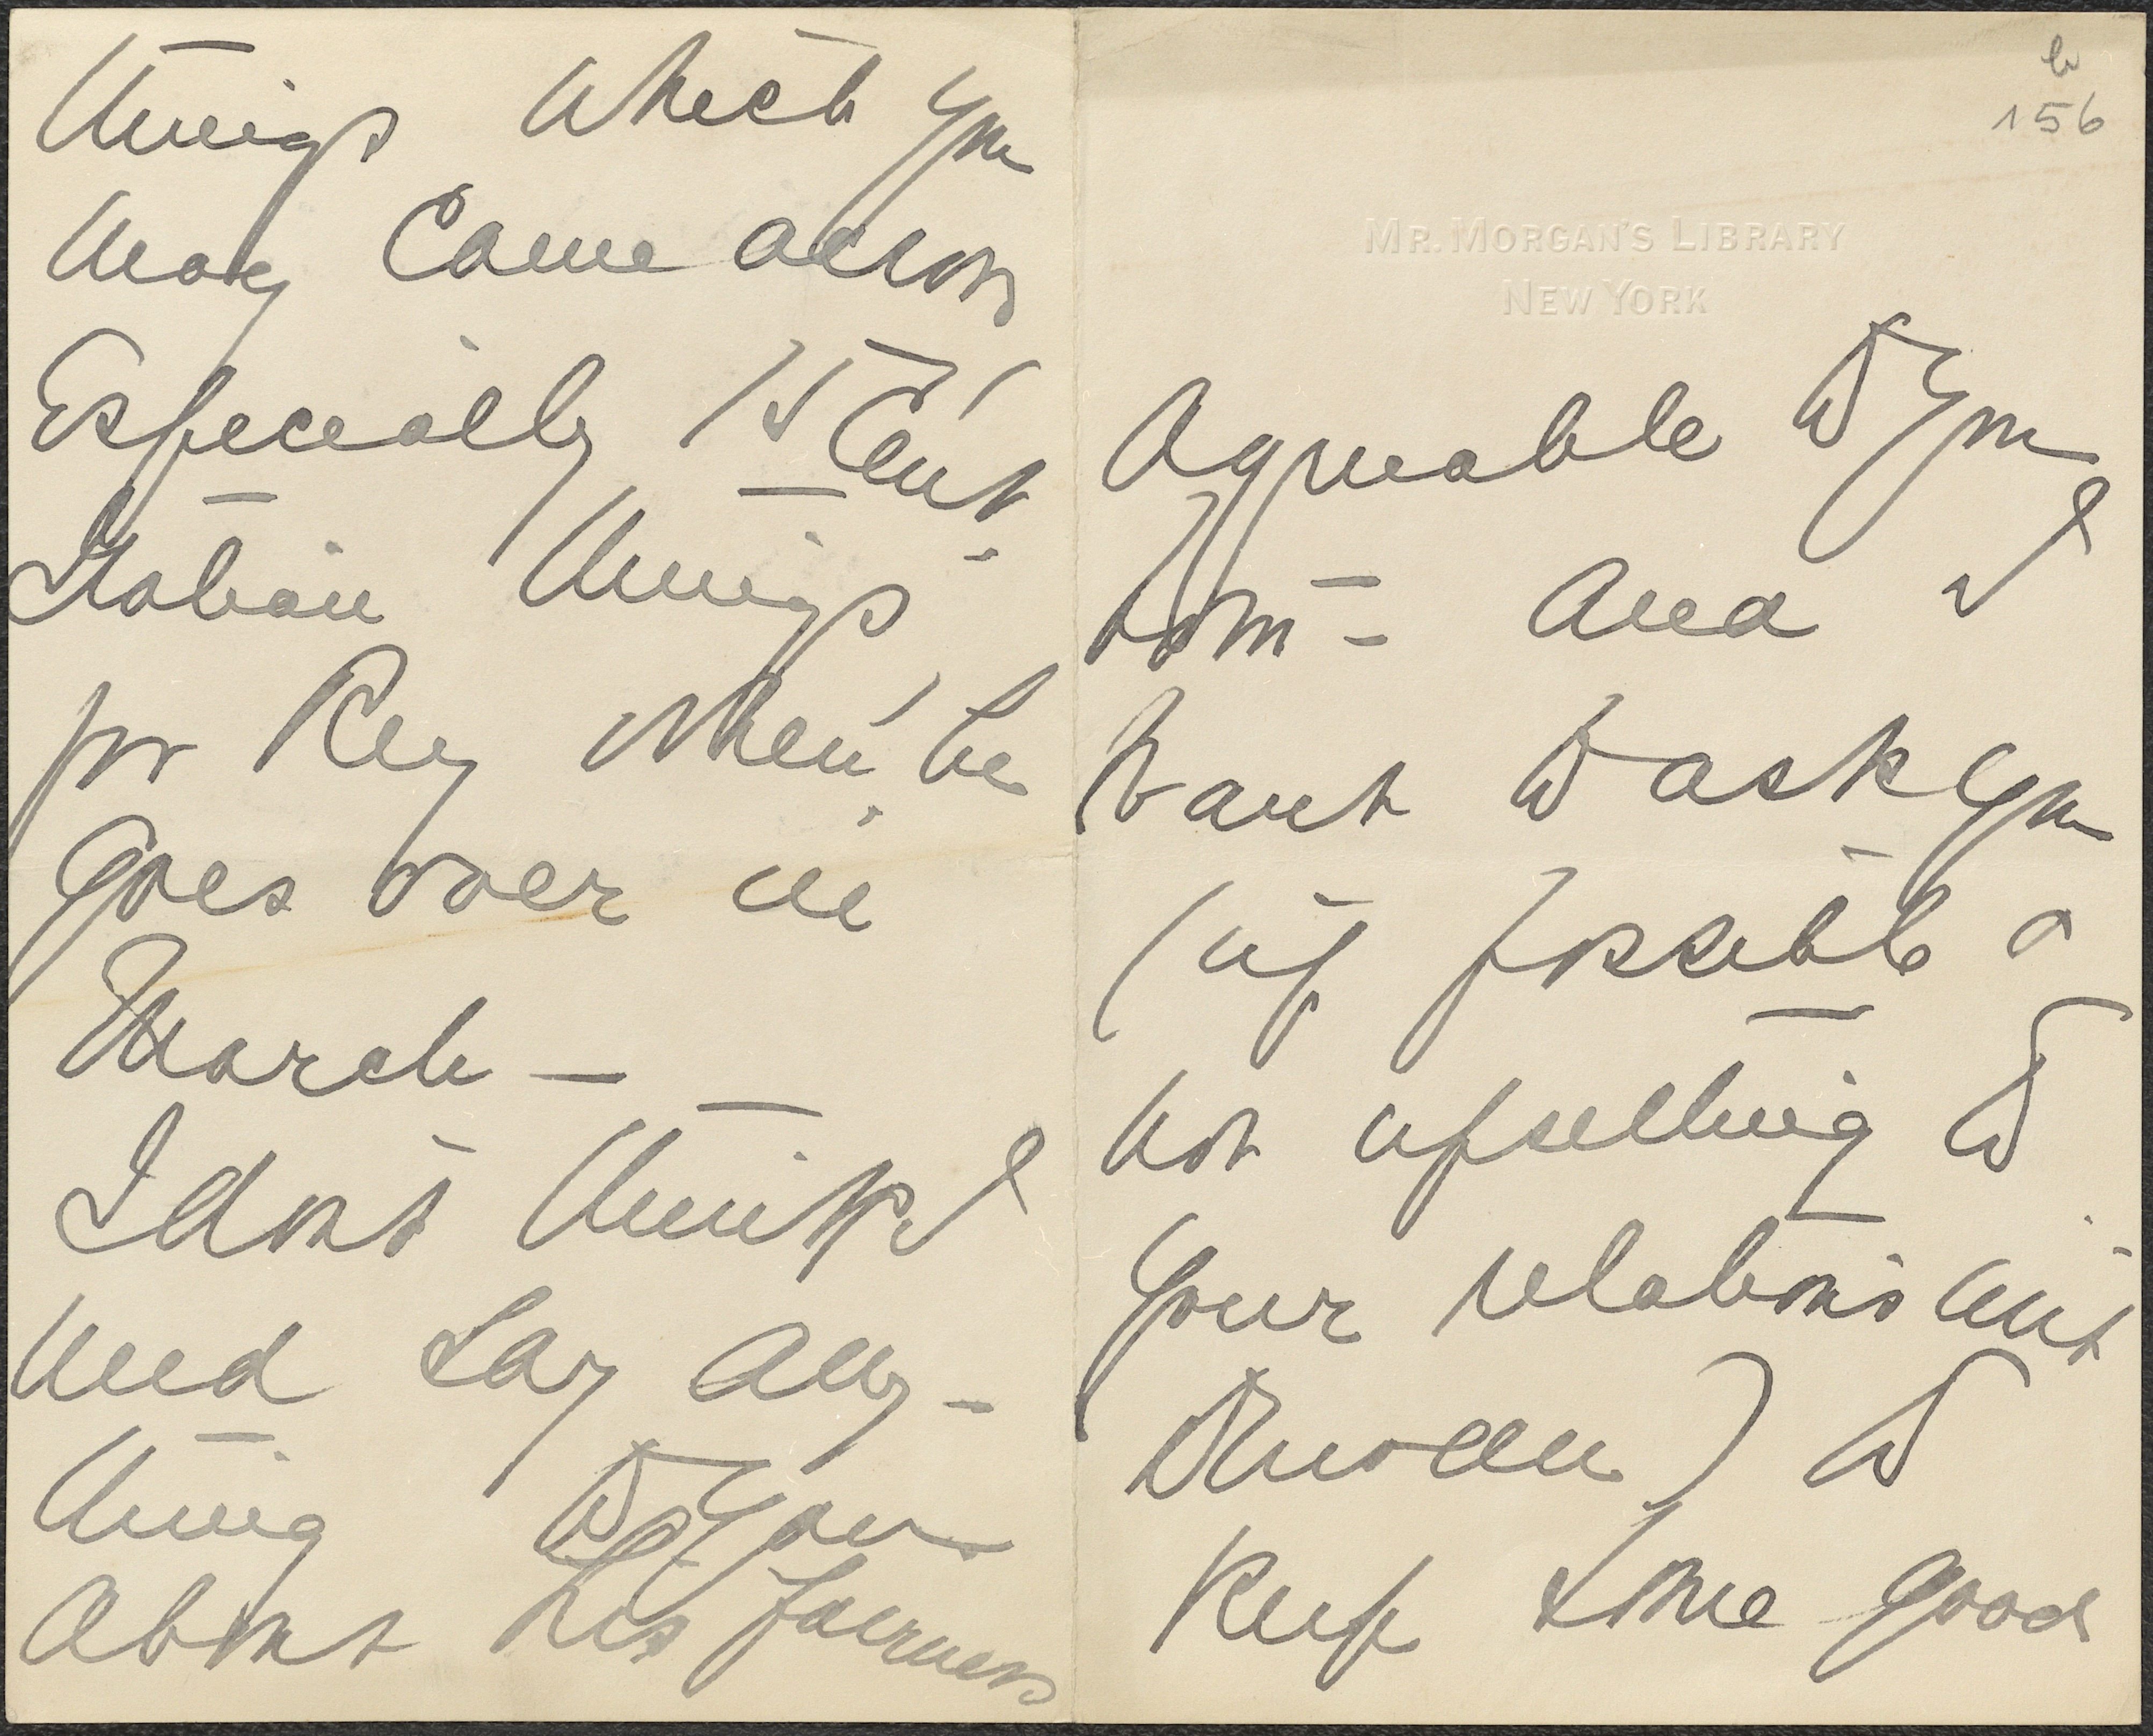agreeable to you both – and I want to ask you (if possible & not upsetting to your relations with Duveen) to keep some good
things which you may come across especially 15 cent Italian things for Rey when he goes over in March –
I don’t think I need say anything to you about his fairness